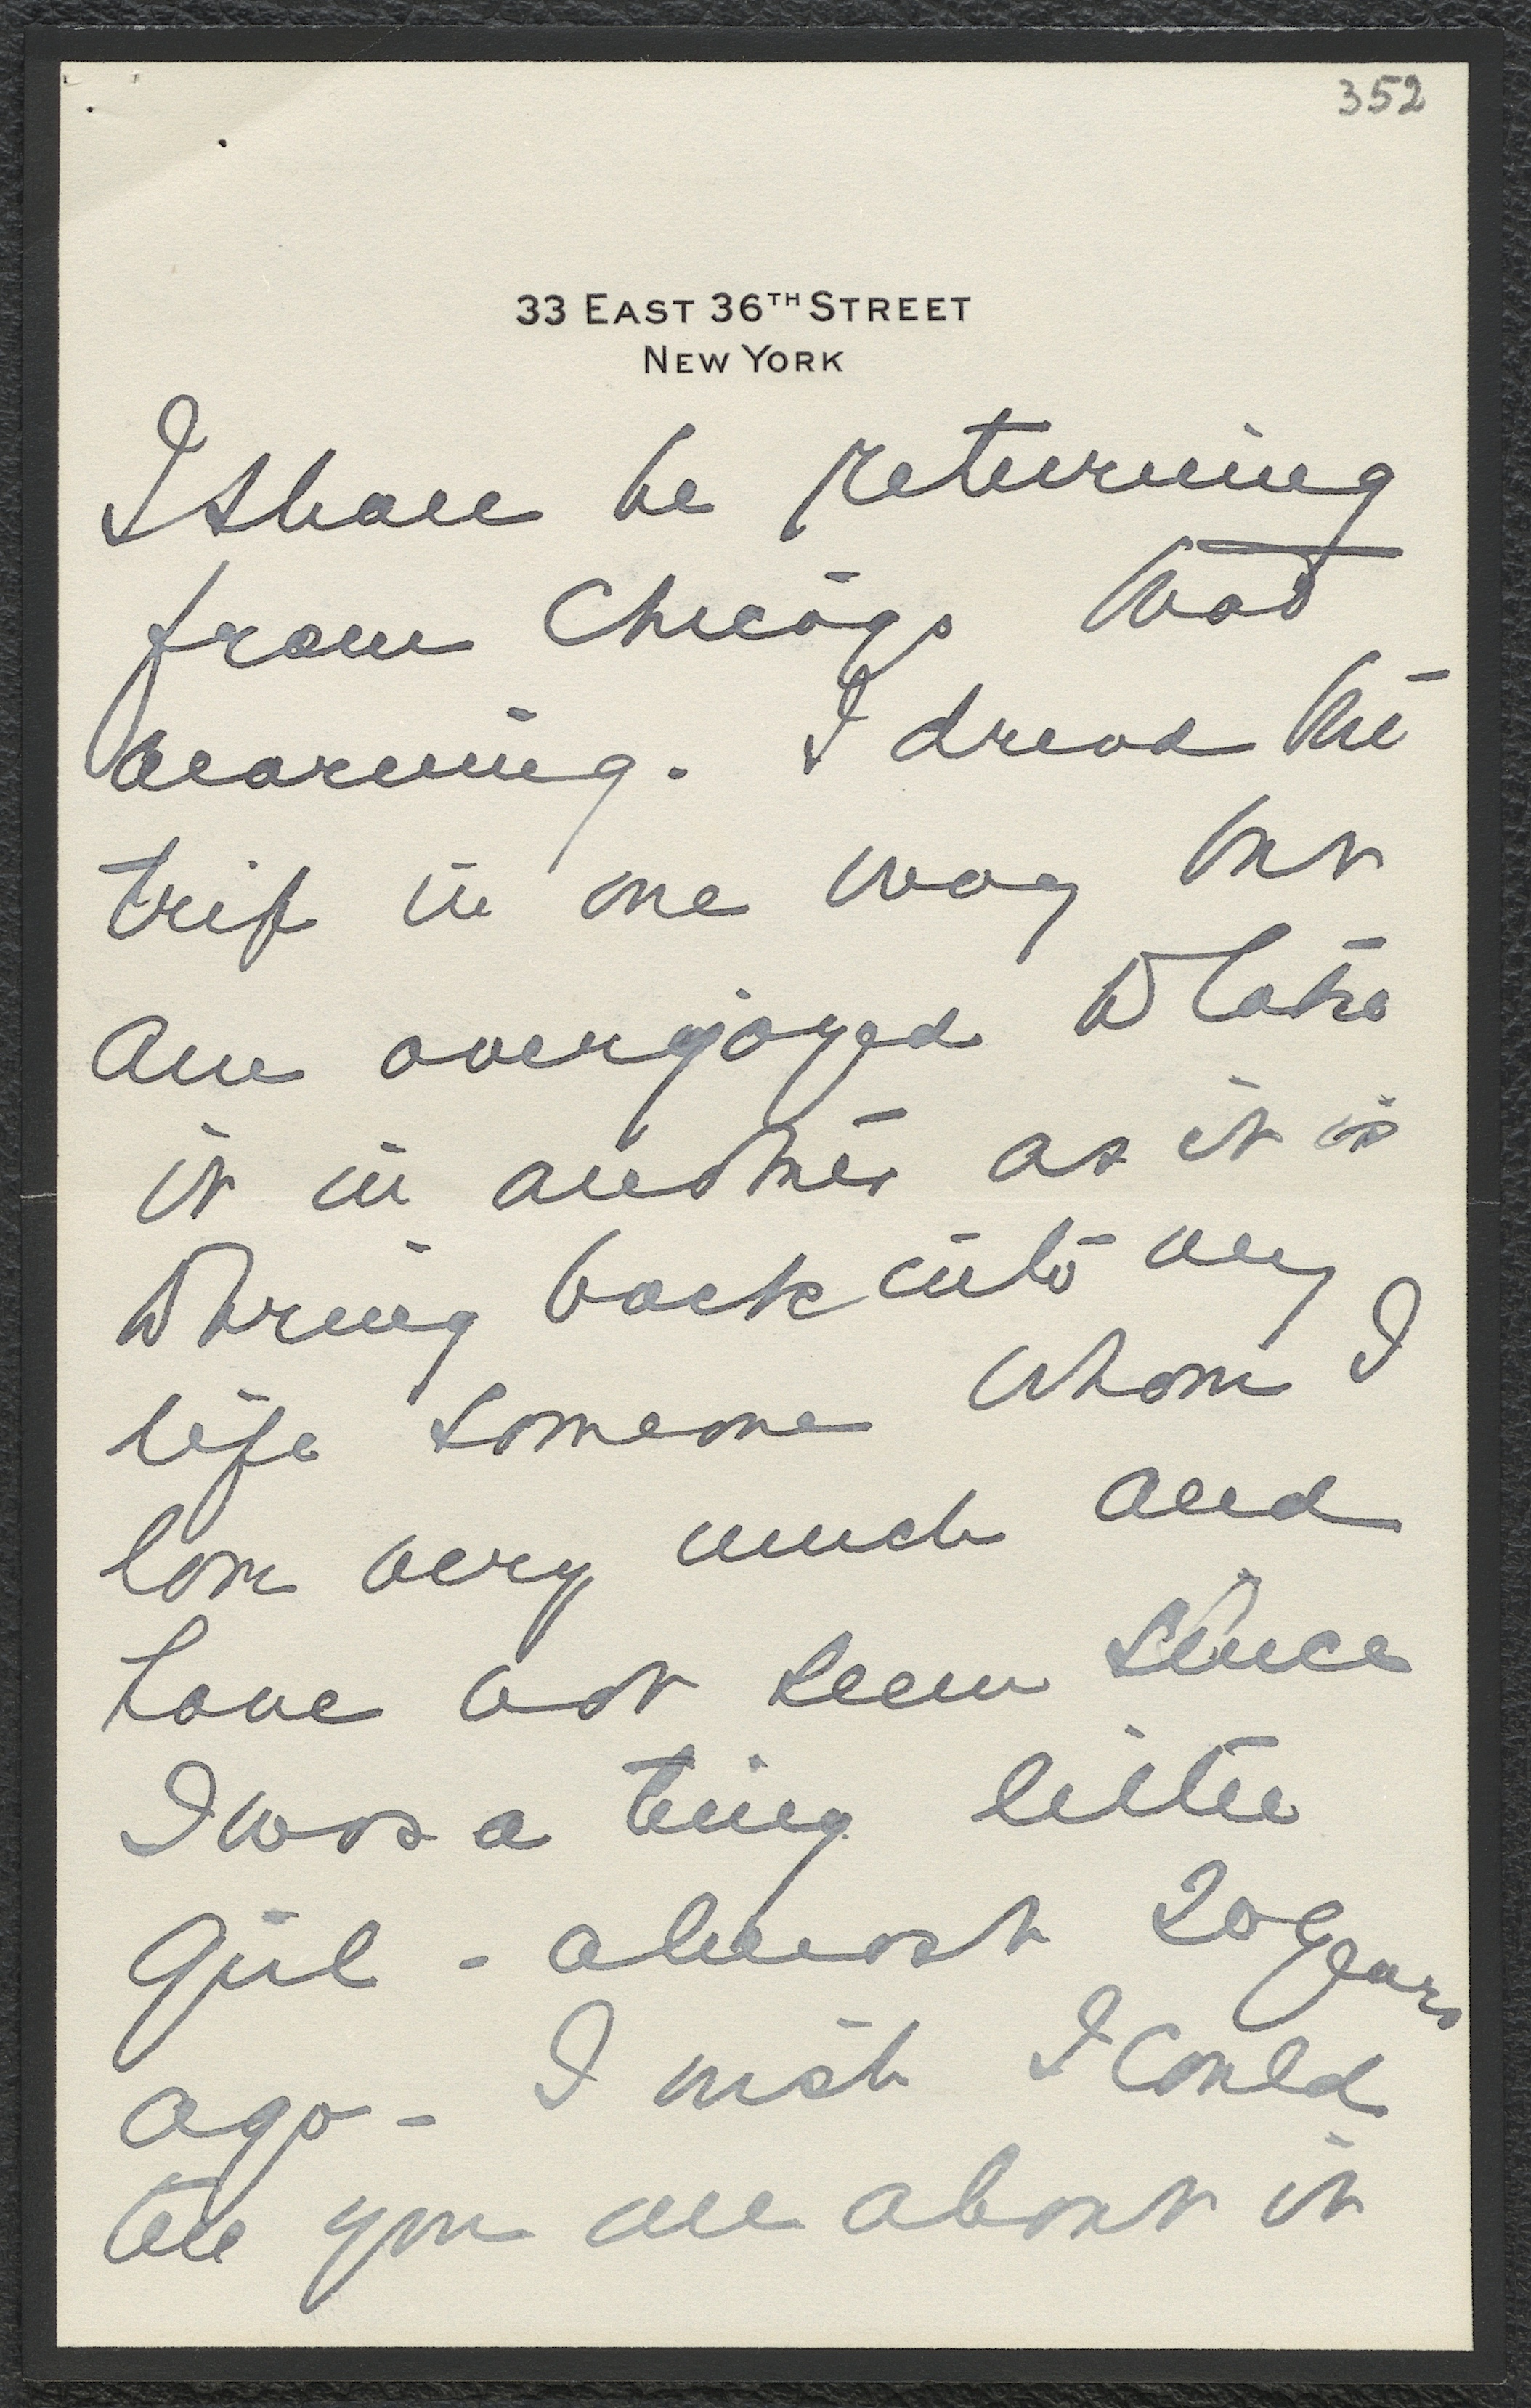I shall be returning from Chicago that morning. I dread the trip in one way but am overjoyed to take it in another as it is to bring back into my life someone whom I love very much and have not seen since I was a tiny little girl – almost 20 years ago – I wish I could tell you all about it